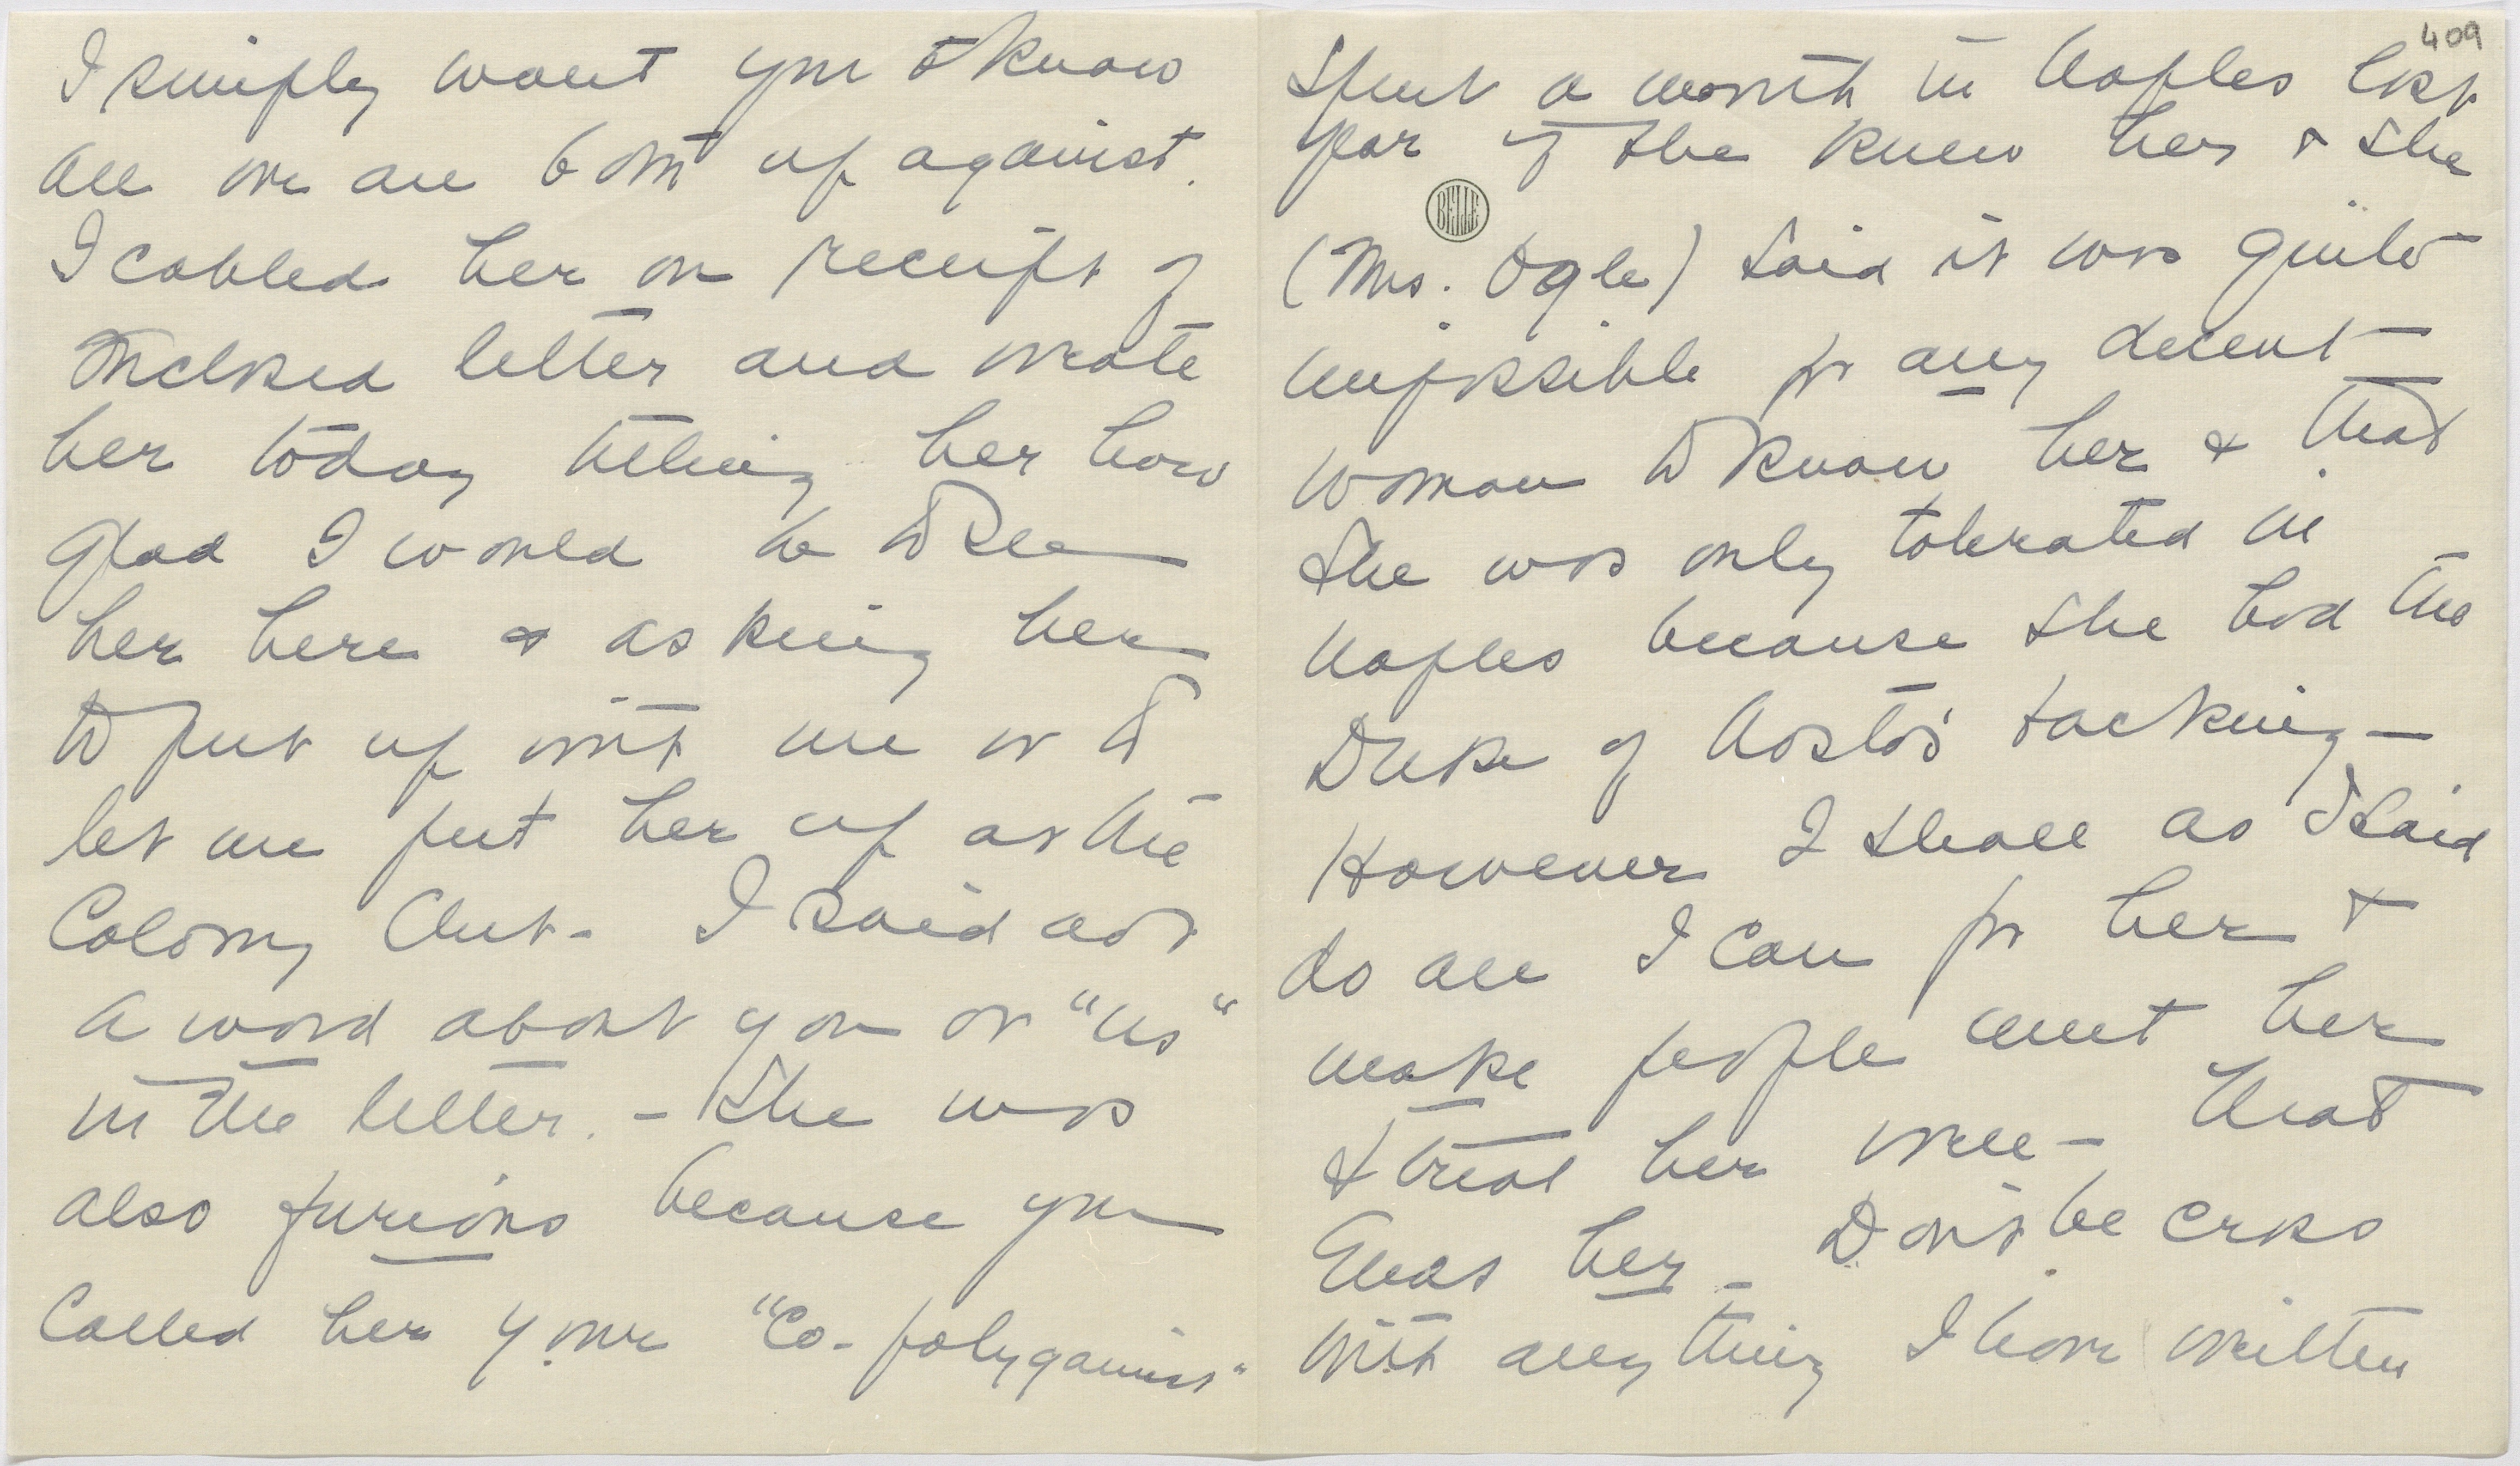spent a month in Naples last year if she knew her & she (Mrs. Ogle) said it was quite impossible for any decent woman to know her & that she was only tolerated in Naples because she had the Duke of Aosta’s backing – However I shall as I said do all I can for her & make people meet her & treat her well – that Was her – Don’t be cross with any thing I have written
I simply want you to know all we are both up against. I cabled her on receipt of enclosed letter and wrote her today telling her how glad I would be to see her here & asking her to put up with me or to let me put her up at the Colony Club – I said not a word about you or “us” in the letter. – She was also furious because you called her your “co-polygamist”